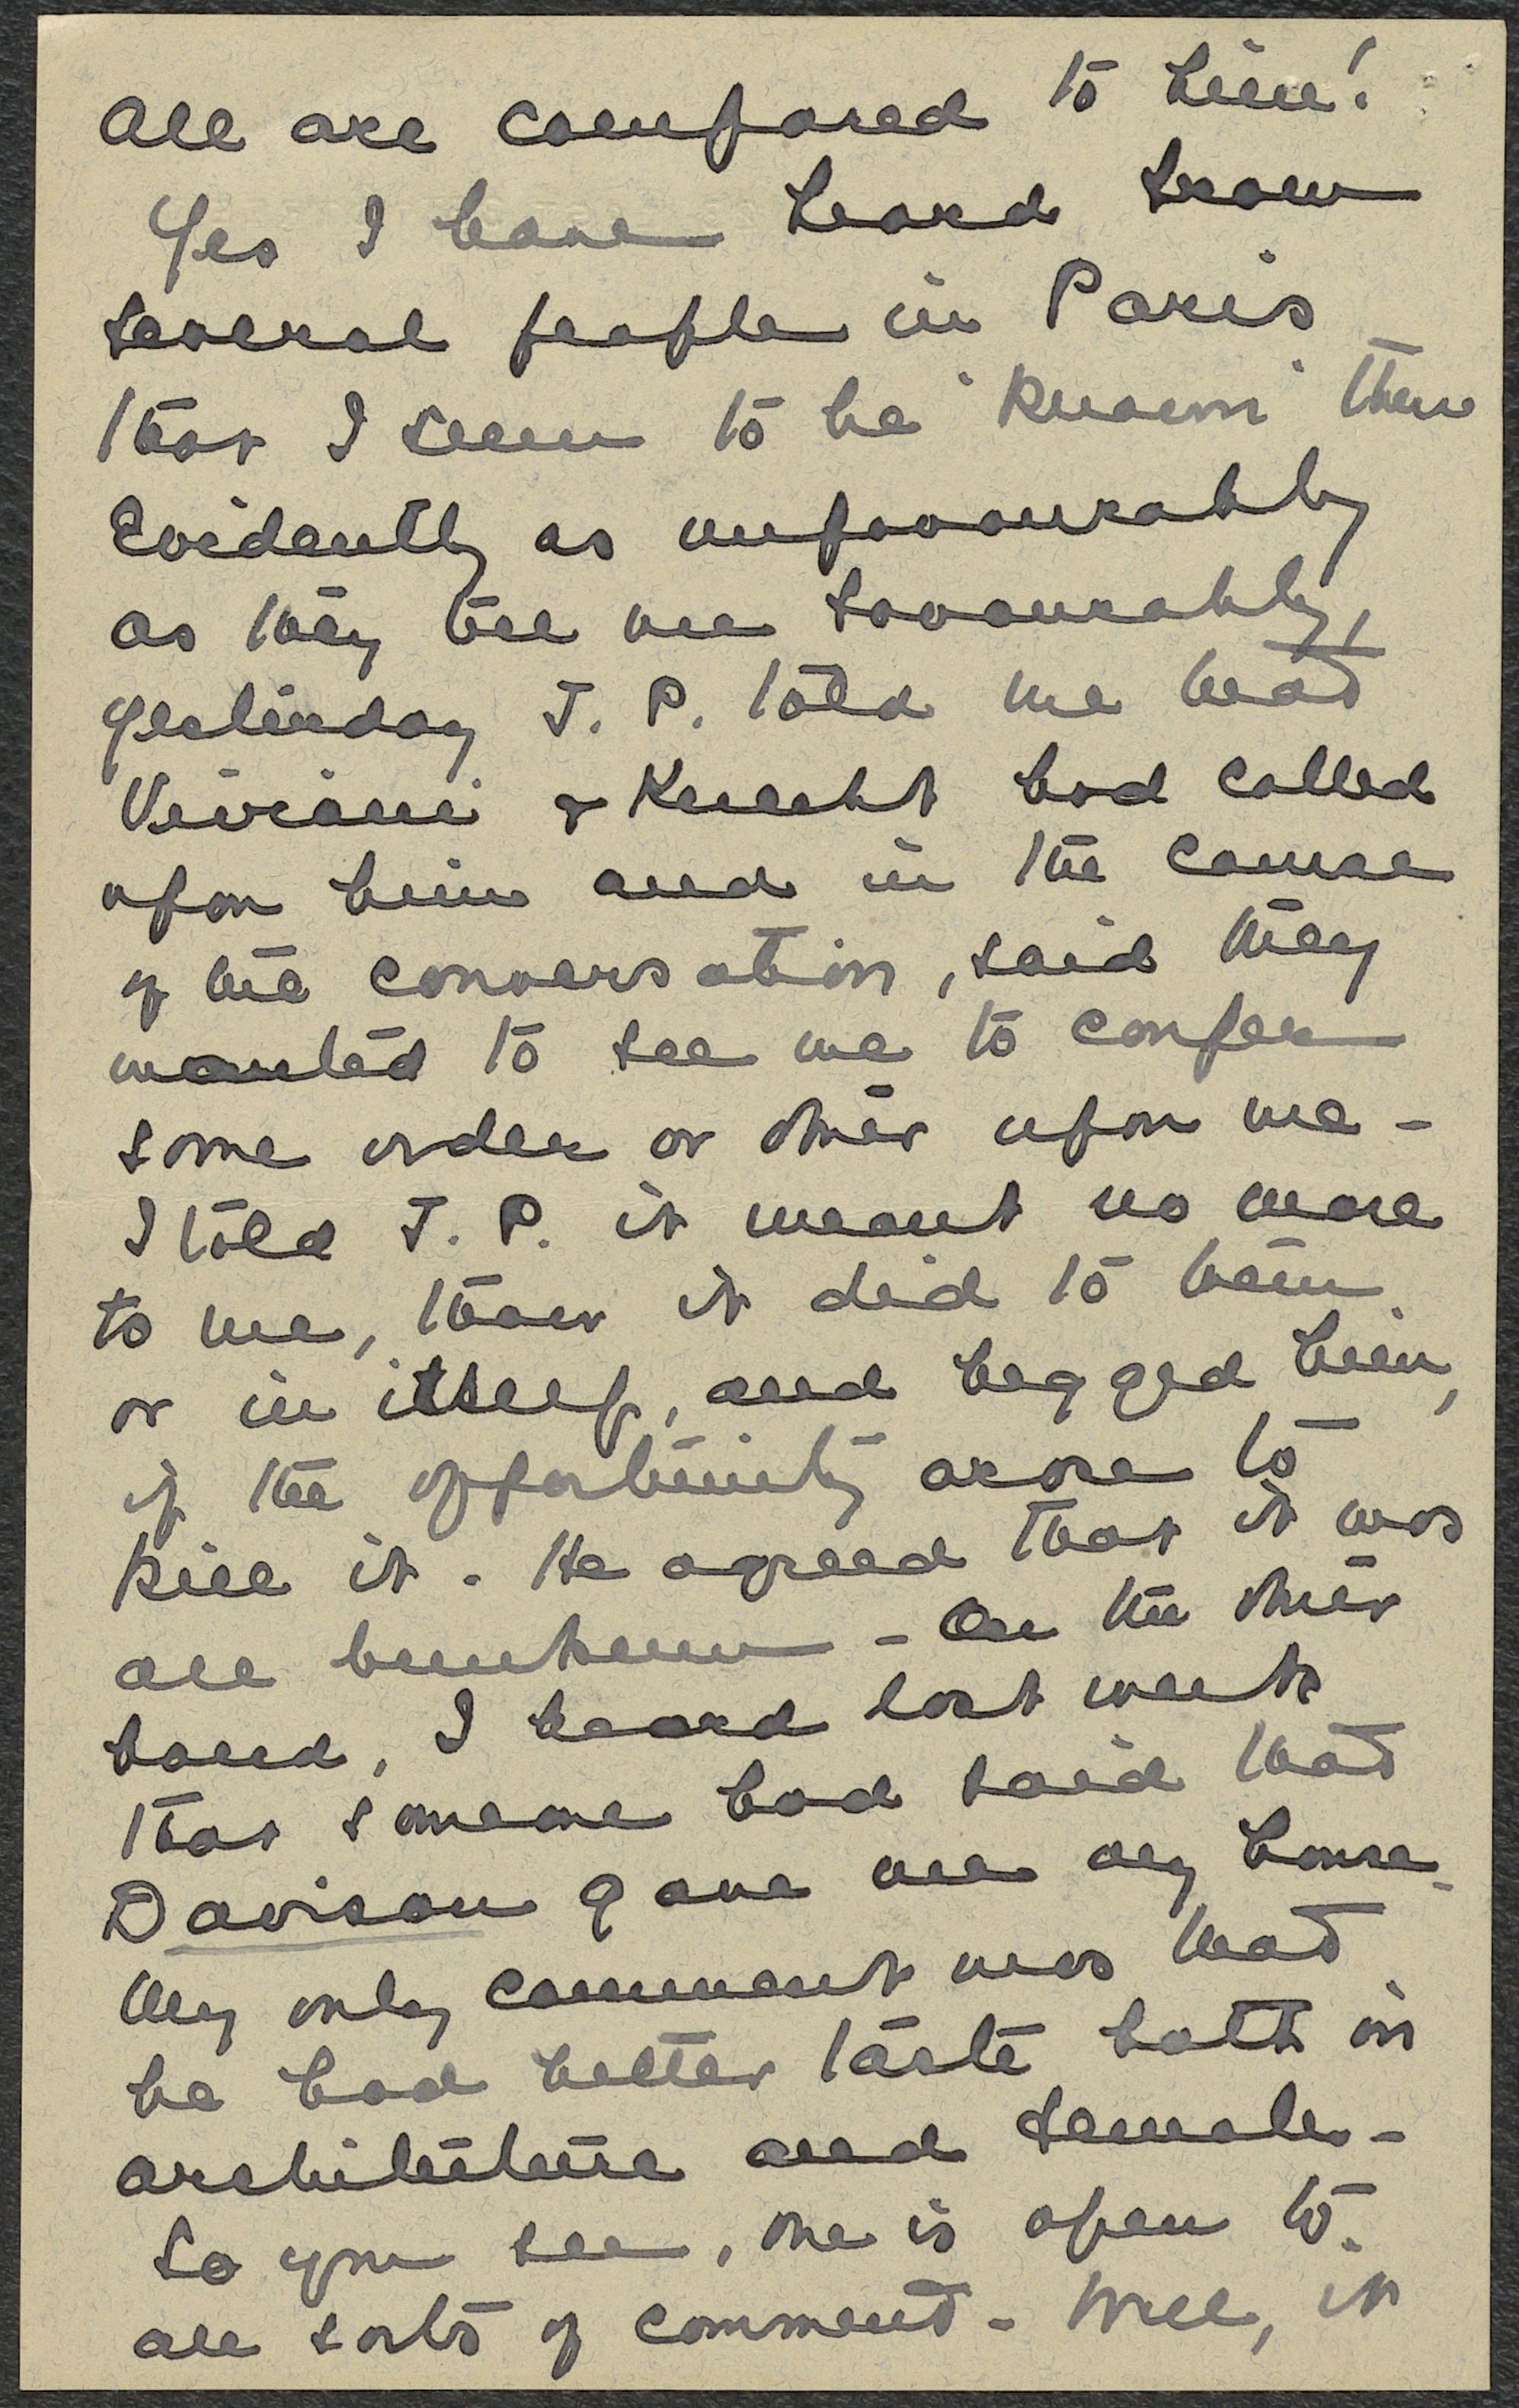all are compared to him! Yes I have heard from several people in Paris that I seem to be “known” there evidently as unfavourably as they tell me favourably, yesterday J.P. told me that Viviani & Knecht had called upon him and in the course of the conversation, said they wanted to see me to confer some order or other upon me – I told J.P. it meant no more to me, than it did to him or in itself, and begged him, if the opportunity arose to kill it. He agreed that it was all bunkum – on the other hand, I heard last week that someone had said that Davison gave me my house my only comment was that he had better taste both in architecture and females – So you see, one is open to all sorts of comment – Well, it